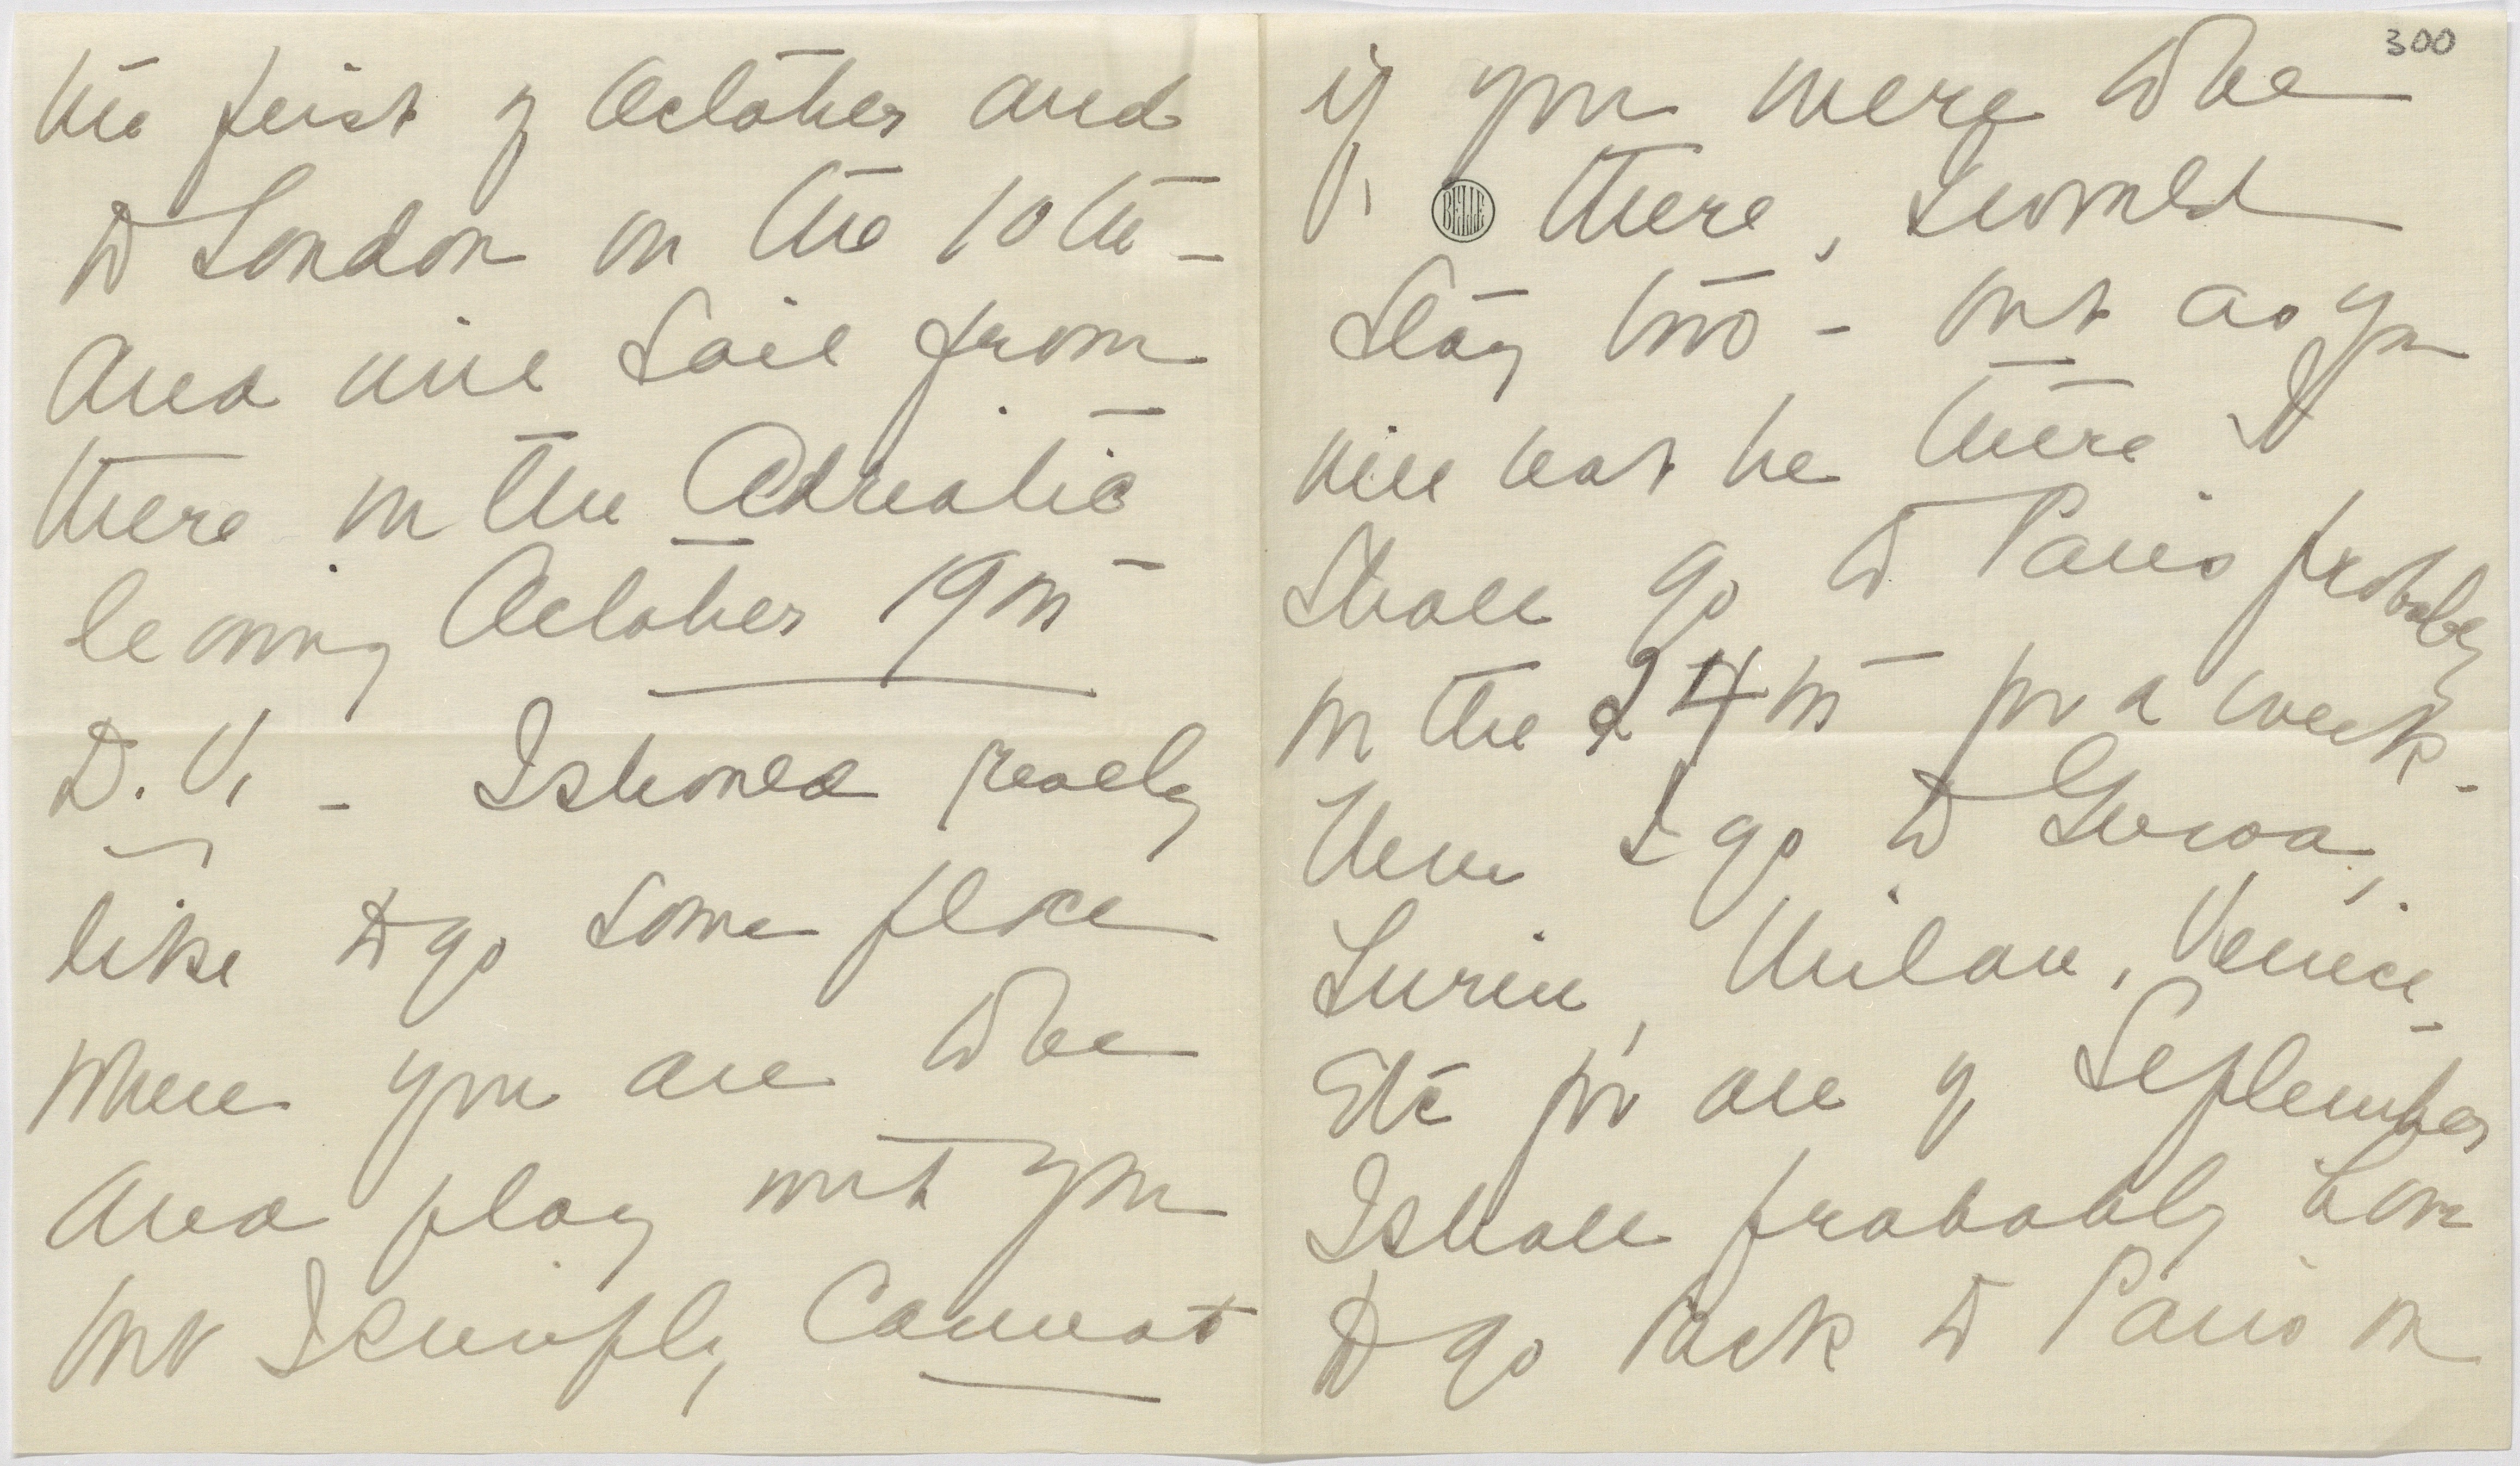if you were to be there, I could stay two – but as you will not be there I shall go to Paris probably on the 24th for a week – Then I go to Genoa, Turin, Milan, Venice, etc for all of September[.] I shall probably have to go back to Paris on
the first of October and to London on the 10th – and will sail from there on the Adriatic leaving October 19th D. V. – I should really like to go some place where you are to be and play with you but I simply cannot